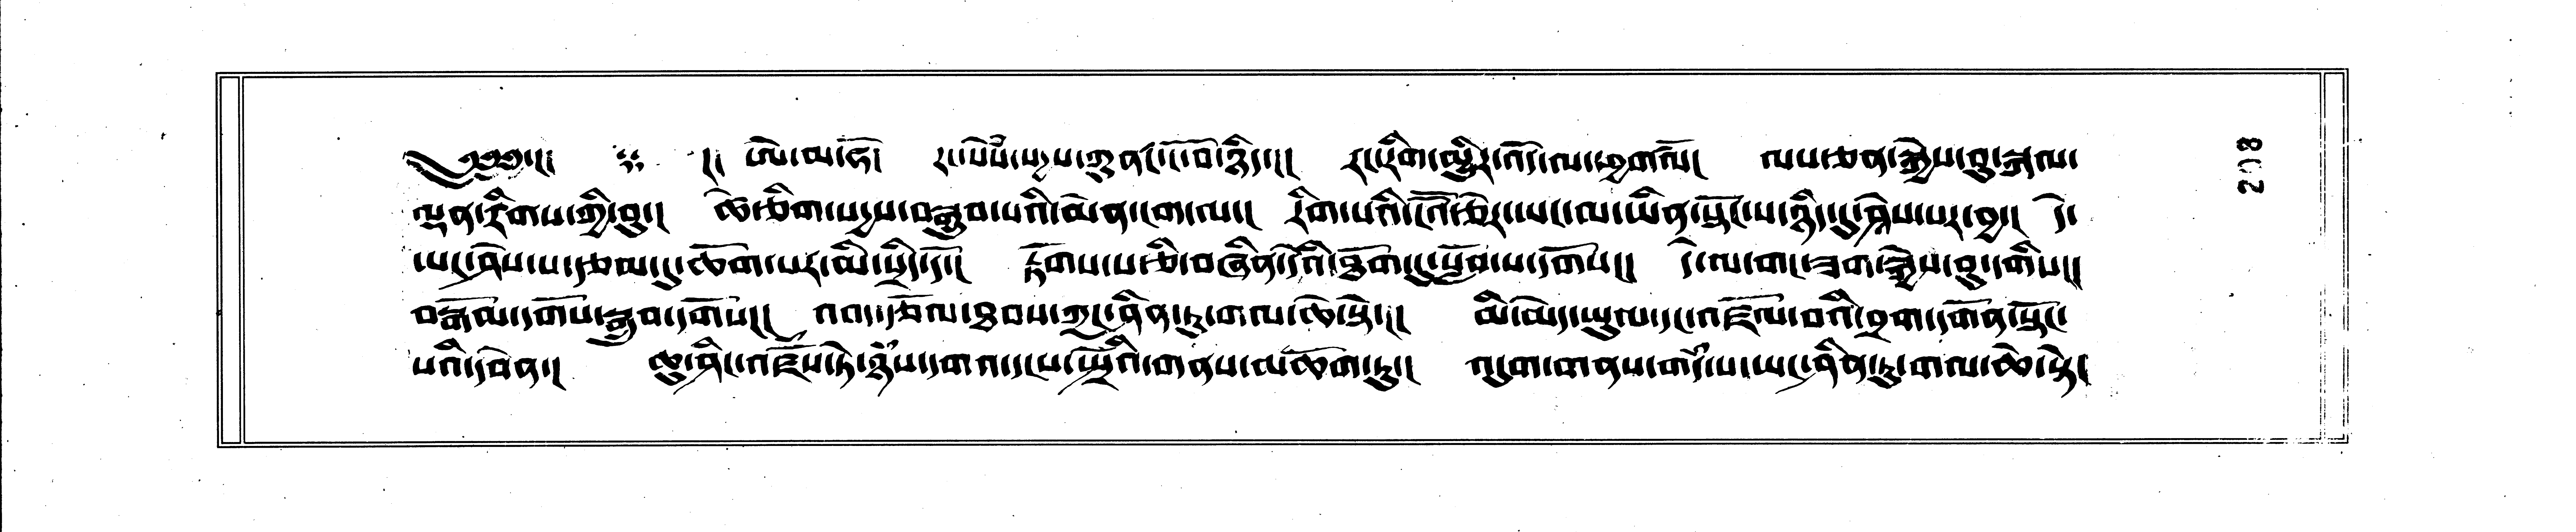༄༅༅།། ཨེ་མ་ཧོ། རང་སེམས་སངས་རྒྱས་ཀུན་བཟང་གིས་ངོའོ་ཉིད། རང་རིག་མི་འབྱུར་འོད་ལ་ཕྱག་འཚལ་ལོ། ལས་ཅན་སྐྱེས་བུ་སྐལ་
ལྡན་རིགས་ཀྱི་བུ། ཚེ་གཅིག་ལ་སངས་རྒྱས་བསྒྲུབ་པའི་མེ་༼མན༽ངག་ལ། རིག་པའི་ངོའོ་ཅི་ཡང་མ་ཡིན་སྟོང་པ་ཉིད་དུ་ཤེས་པར་བྱ། དེ་
ཡང་ཤེས་པ་ཙམ་དུ་ཆོག་པ་མི་སྲིད་དོ། རྟོགས་པ་ཅི་བཞིན་མོ་དེའི་ཐོག་ཏུ་སླེབ་པ་དགོས། དེ་ལ་གང་ཟག་སྐྱེས་བུ་ཐ་དག་གིས། 
སྒོམ་ཞིང་བསྒྲུབ་དུ་དགོས། འབེད་རྩོད་‘‘འབད་རྩོལ”ཐབས་ཀྱང་ཤིན་དུ་གལ་ཆེ་སྟེ། མི་མེད་ཡུལ་དང་འགུལ་བའི་བྲག་རྒོན་སྟོང་
པའི་དབེན། ཆུ་ཤིང་འཛོམ་སྟེ་ཉམས་དགའ་དང་སྤྲོའི་གནས་མཆོག་འདུག་གནས་བདམ་པ་ཡང་ཤིན་དུ་གལ་ཆེ་སྟེ།